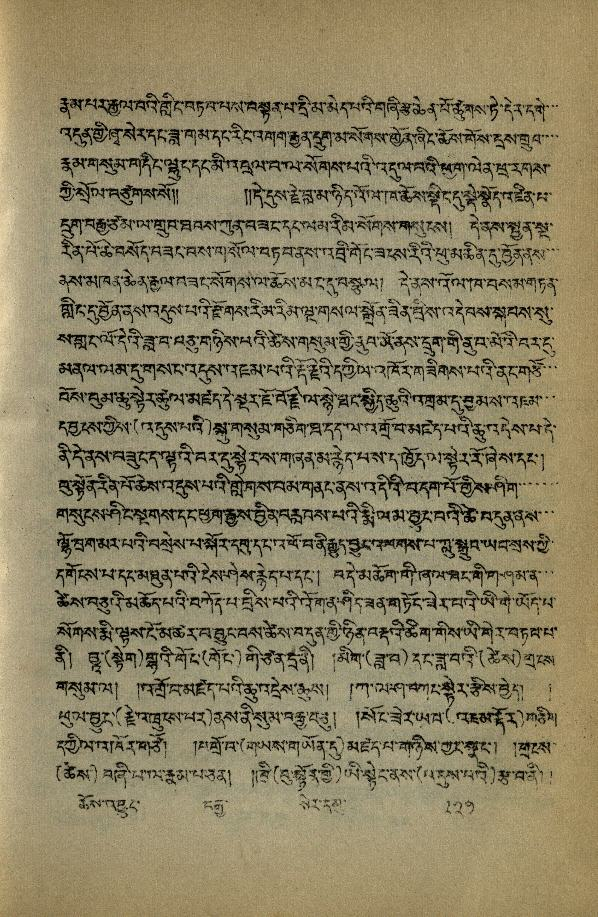རྣམ་པར་རྒྱལ་བའི་གླིང་བཏབ་པས་བསྟན་པ་དྲི་མ་མེད་པའི་གཞི་རྩ་ཆེན་པོ་ཚུགས་ཏེ་དེར་དགེ་
འདུན་གྱི་ཞྭ་སེར་དང་ཟླ་གམ་དང་རིང་འགག་རྒྱན་དྲུག་མ་སོགས་གྱོན་ཞིང་ཆོས་གོས་དྲས་གྲུབ་
རྣམ་གསུམ་གདིང་ལྷུང་དང་མི་འབྲལ་བ་ལ་སོགས་པའི་འདུལ་བའི་ཕྱག་ལེན་ཕྲ་རགས་
ཀྱི་སྲོལ་བཙུགས་སོ།། །།དེ་དུས་རྗེ་བླ་མ་ཉིད་འོལ་ཁ་ཆོས་སྡིང་དུ་སྡེ་སྣོད་འཛིན་པ་
དྲུག་བརྒྱ་ཙམ་ལ་གྲུབ་ཐབས་ཀུན་བཟང་དང་ལམ་རིམ་སོགས་གསུངས། དེ་ནས་སྤྱན་སྔ་
རིན་པོ་ཆེ་བསོད་བཟང་བས་གསོལ་བཏབ་ནས་འབྲི་གོང་ཟངས་རིའི་ཕུ་མཆིན་དུ་བྱོན་ནས་
ནས་མཁན་ཆེན་རྒྱལ་བཟང་སོགས་ལ་ཆོས་མང་དུ་བསྩལ། དེ་ནས་འོལ་ཁ་བསམ་གཏན་
གླིང་དུ་བྱོན་ནས་འདུས་པའི་རྫོགས་རིམ་རིམ་ལྔ་གསལ་སྒྲོན་ཟིན་བྲིས་འདེབས་སྐབས་སུ་
ས་གླང་ལོ་དེའི་ཟླ་བ་བཅུ་གཉིས་པའི་ཚེས་གསུམ་གྱི་ནུབ་མོ་ནས་དྲུག་གི་ནུབ་མོའི་བར་དུ་
མནལ་ལམ་དུ་གསང་འདུས་འཇམ་པའི་རྡོ་རྗེའི་དཀྱིལ་འཁོར་གཟིགས་པའི་ནང་གཙོ་
བོས་བུམ་ཆུ་སྟེར་ཚུལ་མཛད་དེ་སྔར་ཇོ་བོ་རྗེ་ལ་སྙེ་ཐང་སྐྱིད་ཆུའི་འགྲམ་དུ་བྱམས་འཇམ་
དབྱངས་ཀྱིས་འདུས་པའི་སྐུ་གསུམ་གཅིག་ཐ་དད་ལ་འགྲོ་བ་མཛད་པའི་ཆུ་འདེས་པ་དེ་
ནི་དེ་ནས་བཟུང་ད་ལྟའི་བར་དུ་སྟེར་ས་གཞན་མ་རྙེད་པས་ད་ཁྱོད་ལ་སྟེར་རོ་ཞེས་དང་།
བུ་སྟོན་རིན་པོ་ཆེས་འདུས་པའི་གླེགས་བམ་གནང་ནས་འདིའི་བདག་པོ་གྱིས་ཤིག་
གསུངས་ཤིང་སྔགས་དང་ཕྱག་རྒྱས་བྱིན་བརླབས་པའི་རྨི་ལམ་བྱུང་བའི་ཚེ་བདུན་ནས་
ལྷོ་བྲག་མར་པའི་བསྲེས་པ་སྐོར་དགུ་དང་འཕོ་བ་ནི་རྒྱུད་བྱུང་འཕགས་པ་ཀླུ་སྒྲུབ་ཡབ་སྲས་ཀྱི་
དགོངས་པ་དང་མཐུན་པའི་ངེས་ཤེས་རྙེད་པ་དང་། བདེ་མཆོག་གི་ཞལ་ཐང་གི་གཤམ་ན་
ཚེས་བཅུའི་མཆོད་པའི་བཀོད་པ་བྲིས་པའི་འོག་ན་ཤིད་ཟན་གཏོང་ཟེར་བའི་ཡི་གེ་ཡོད་པ་
སོགས་རྨི་ལྟས་ངོ་མཚར་བ་བྱུང་བས་ཚེས་བདུན་གྱི་ཉིན་བརྡའི་ཚིག་གིས་ཡི་གེར་བཏབ་པ་
ནི། བྱཱ་སྟེག་གྷའི་གོང་གོང་གི་ཙན་དྲ་ནི། །མིག་ཟླ་བ་དང་ཟླ་བའི་ཚེས་གྲངས་
གསུམ་ལ། །འགྲོ་བ་མཛད་པའི་ཆུ་འདྲེས་ཆུས། །ཀ་ལ་ཤ་བཀང་སྟེར་རྩིས་བྱེད། །
ཕུལ་བྱུང་རྗེ་འཁྲུངས་པརནས་ནི་སུམ་བརྒྱ་བཅུ། །སོང་ཟེར་ཡབ་འཇམ་རྡོར་གཅིག་
དཀྱིལ་འཁྲོ་གཙོ། །བགྲོ་བ་གཡས་གཡོན་དུ་མཛད་པ་གཉིས་ཀྱང་སྣང་། །གྲངས་
ཚེས་བཞི་པ་ལ་རྣམ་པ་ཅན། །ཁྲི་བུ་སྟོན་གྱི་ཡི་སྟེང་ནས་འདུས་པའི་རྩ་བ་ནི།།